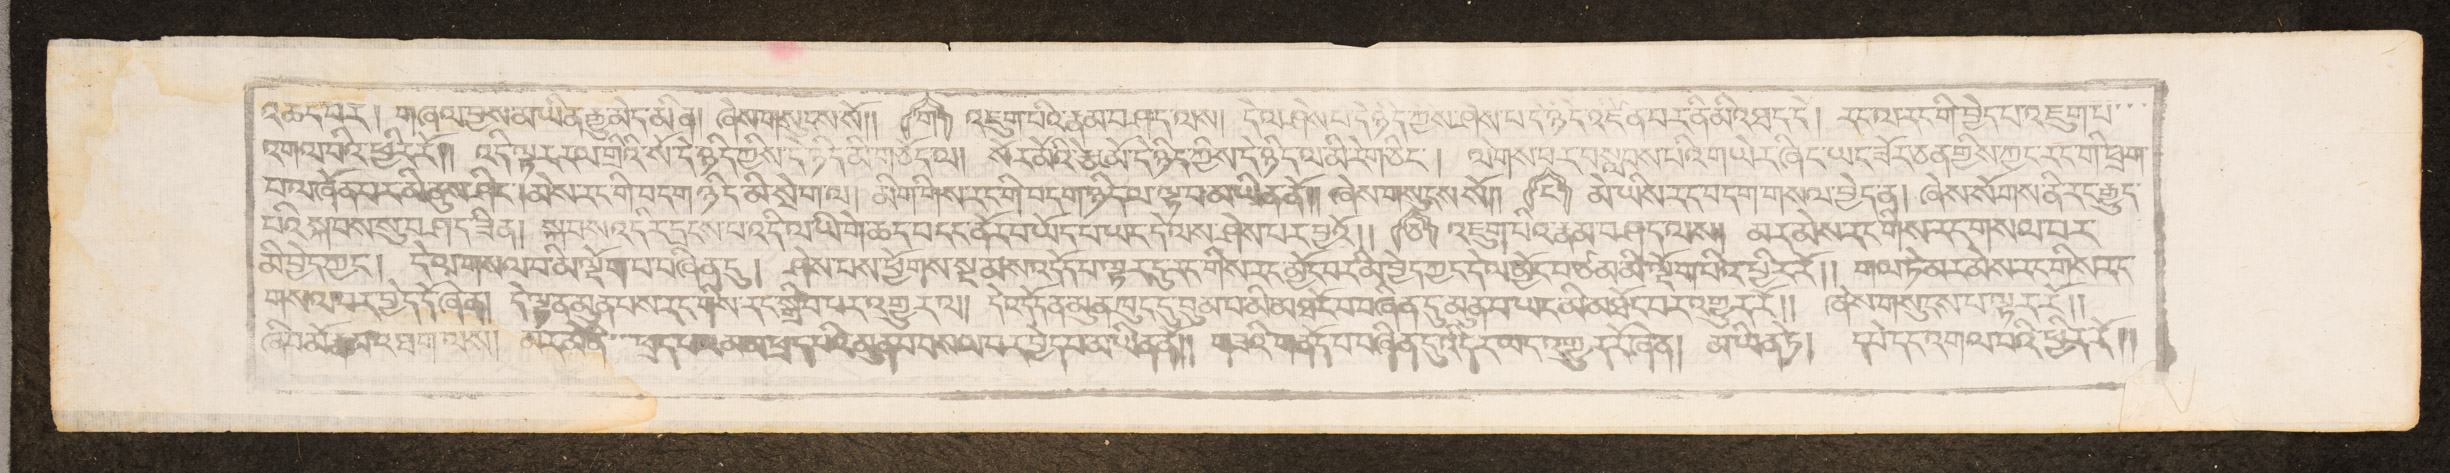འཆད་པར། གཞལ་བྱས་མ་ཡིན་རྒྱུ་མེད་མིན། ཞེས་གསུངས་སོ།། ༼༽ག༼༽ འཇུག་པའི་རྣམ་བཤད་ལས། དེ་ལ་ཤེས་པ་དེ་ཉིད་ཀྱིས་ཤེས་པ་དེ་ཉིད་འཛིན་པར་ནི་མི་འཐད་དེ། རང་ལ་རང་གི་བྱེད་པ་འཇུག་པ་
འགལ་བའི་ཕྱིར་རོ། །འདི་ལྟར་རལ་གྲིའི་སོ་དེ་ཉིད་ཀྱིས་དེ་ཉིད་མི་གཅོད་ལ། སོར་མོའི་རྩེ་མོ་དེ་ཉིད་ཀྱིས་དེ་ཉིད་ལ་མི་རེག་ཅིང་། ལེགས་པར་བསླབས་པའི་གཡེར་ཞིང་ཡང་ཟོར་ཅན་གྱིས་ཀྱང་རང་གི་ཕྲག་
པ་ལ་ཞོན་པར་མི་ནུས་ཤིང་། མེས་རང་གི་བདག་ཉིད་མི་སྲེག་ལ། མིག་གིས་རང་གི་བདག་ཉིད་ལ་ལྟ་བ་མ་ཡིན་ནོ། །ཞེས་གསུངས་སོ།། ༼༽ང༼༽ མེ་ཡིས་རང་བདག་གསལ་བྱེད་ན། ཞེས་སོགས་ནི་རང་རྒྱུད་
པའི་སྐབས་སུ་བཤད་ཟིན། སྐབས་འདིར་དྲངས་པ་འདི་ལ་ཡི་གེ་ཆད་པ་དང་ནོར་བ་ཡོད་པ་ཡང་དེ་ལས་ཤེས་པར་བྱའོ།། ༼༽ཅ༼༽ འཇུག་པའི་རྣམ་བཤད་ལས། མར་མེས་རང་གིས་རང་གསལ་བར་
མི་བྱེད་ཀྱང་། དེ་ལ་གསལ་བ་མི་ལྡོག་པ་བཞིན་དུ། ཤེས་པས་ཕྱོགས་སྔ་མས་འདོད་པ་ལྟར་དུ་རང་གིས་རང་མྱོང་བར་མི་བྱེད་ཀྱང་དེ་ལ་མྱོང་བ་ཙམ་མི་ལྡོག་པའི་ཕྱིར་རོ། །གལ་ཏེ་མར་མེས་རང་གིས་རང་
གསལ་བར་བྱེད་དོ་ཞེ་ན། དེ་ལྟ་ན་མུན་པས་རང་གིས་རང་སྒྲིབ་པར་འགྱུར་ལ། དེ་འདོད་ན་མུན་ཁུང་དུ་བུམ་པ་མི་མཐོང་བ་བཞིན་དུ་མུན་པ་ཡང་མི་མཐོང་བར་འགྱུར་རོ། །ཞེས་གསུངས་པ་ལྟར་རོ། །
ཞིབ་མོ་རྣམ་འཐག་ལས། མར་མེ་ནི་ཕྲད་པ་འམ་མ་ཕྲད་པའི་མུན་པ་བསལ་བར་བྱེད་པ་མ་ཡིན་ནོ། །གཟའི་གནོད་པ་བཞིན་དུ་འདིར་ཡང་འགྱུར་རོ་ཞེ་ན། མ་ཡིན་ཏེ། དཔེ་དང་འགལ་བའི་ཕྱིར་རོ། །